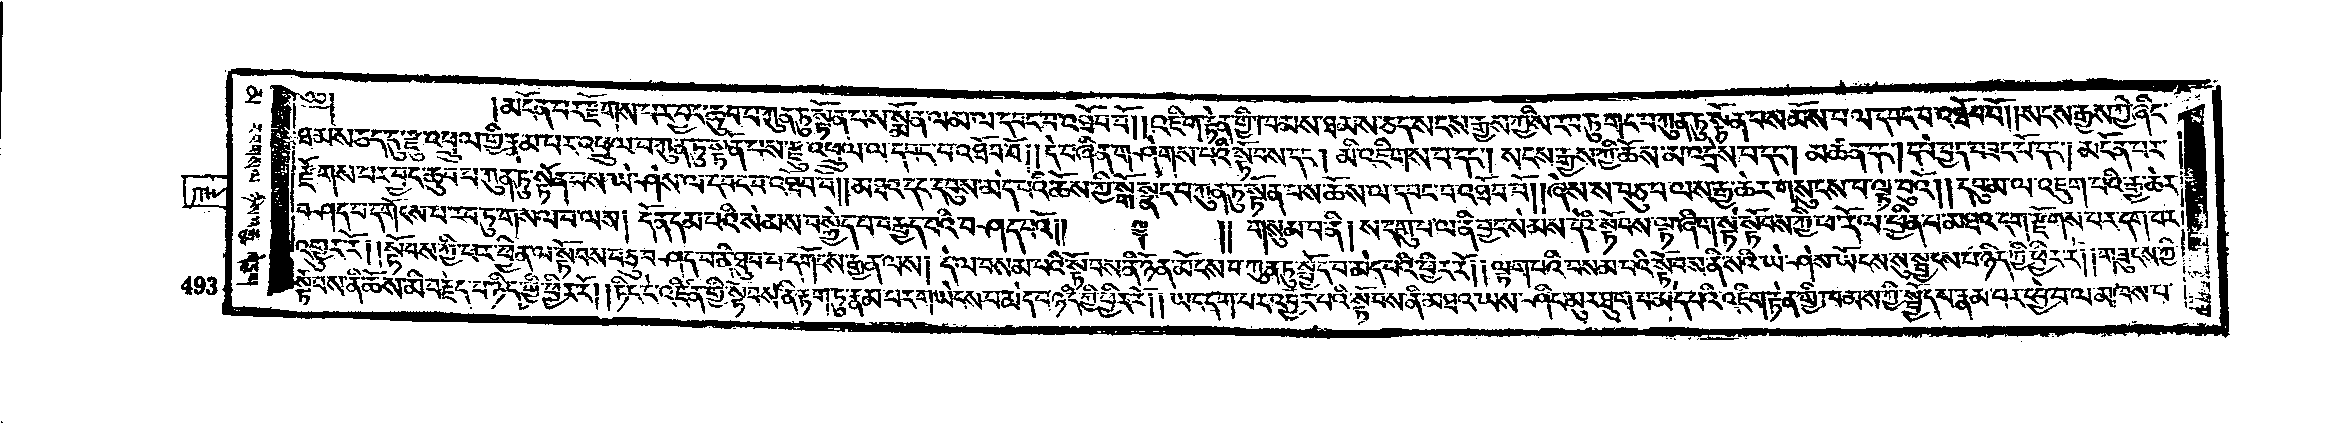༄༅། །མངོན་པར་རྫོགས་པར་བྱང་ཆུབ་པ་ཀུན་ཏུ་སྟོན་པས་སྨོན་ལམ་ལ་དབང་པ་འཐོབ་བོ། །འཇིག་རྟེན་གྱི་ཁམས་ཐམས་ཅད་སངས་རྒྱས་ཀྱིས་རབ་ཏུ་གང་བ་ཀུན་ཏུ་སྟོན་པས་མོས་པ་ལ་དབང་བ་འཐོབ་བོ། །སངས་རྒྱས་ཀྱི་ཞིང་
ཐམས་ཅད་དུ་རྫུ་འཕྲུལ་གྱི་རྣམ་པར་འཕྲུལ་བ་ཀུན་ཏུ་སྟོན་པས་རྫུ་འཕྲུལ་ལ་དབང་བ་འཐོབ་བོ། །དེ་བཞིན་གཤེགས་པའི་སྟོབས་དང་། མི་འཇིགས་པ་དང་། སངས་རྒྱས་ཀྱི་ཆོས་མ་འདྲེས་པ་དང་། མཚན་དང་། དཔེ་བྱད་བཟང་པོ་དང་། མངོན་པར་
རྫོགས་པར་བྱང་ཆུབ་པ་ཀུན་ཏུ་སྟོན་པས་ཡེ་ཤེས་ལ་དབང་བ་འཐོབ་བོ། །མཐའ་དང་དབུས་མེད་པའི་ཆོས་ཀྱི་སྒོ་སྣང་བ་ཀུན་ཏུ་སྟོན་པས་ཆོས་ལ་དབང་བ་འཐོབ་བོ། །ཞེས་ས་བཅུ་པ་ལས་རྒྱ་ཆེར་གསུངས་པ་ལྟ་བུའོ། །དབུ་མ་ལ་འཇུག་པའི་རྒྱ་ཆེར་
བཤད་པ་དགོངས་པ་རབ་ཏུ་གསལ་བ་ལས། དོན་དམ་པའི་སེམས་བསྐྱེད་པ་བརྒྱད་པའི་བཤད་པའོ།། ༈ །།གསུམ་པ་ནི། ས་དགུ་བ་ལ་ནི་བྱང་སེམས་དེའི་སྟོབས་ལྟ་ཞིག་སྟེ་སྟོབས་ཀྱི་ཕ་རོལ་ཕྱིན་པ་མཐའ་དག་རྫོགས་པར་དག་པར་
འགྱུར་རོ། །སྟོབས་ཀྱི་ཕར་ཕྱིན་ལ་སྟོབས་བཅུ་བཤད་པ་ནི་ཐུབ་པ་དགོངས་རྒྱན་ལས། དེ་ལ་བསམ་པའི་སྟོབས་ནི་ཉོན་མོངས་པ་ཀུན་ཏུ་སྤྱོད་པ་མེད་པའི་ཕྱིར་རོ། །ལྟག་པའི་བསམ་པའི་སྟོབས་ནི་སའི་ཡེ་ཤེས་ཡོངས་སུ་སྦྱངས་བ་ཉིད་ཀྱི་ཕྱིར་རོ། །གཟུངས་ཀྱི་
སྟོབས་ནི་ཆོས་མི་བརྗེད་པ་ཉིད་གྱི་ཕྱིར་རོ། །ཏིང་ངེ་འཛིན་གྱི་སྟོབས་ནི་རྟག་ཏུ་རྣམ་པར་གཡེངས་པ་མེད་པ་ཉིད་ཀྱི་ཕྱིར་རོ། །ཡང་དག་པར་འབྱོར་བའི་སྟོབས་ནི་མཐའ་ཡས་ཤིང་མུར་ཐུག་པ་མེད་པའི་འཇིག་རྟེན་གྱི་ཁམས་ཀྱི་སྤྱོད་པ་རྣམ་པར་དབྱེ་བ་ལ་མཁས་པ་